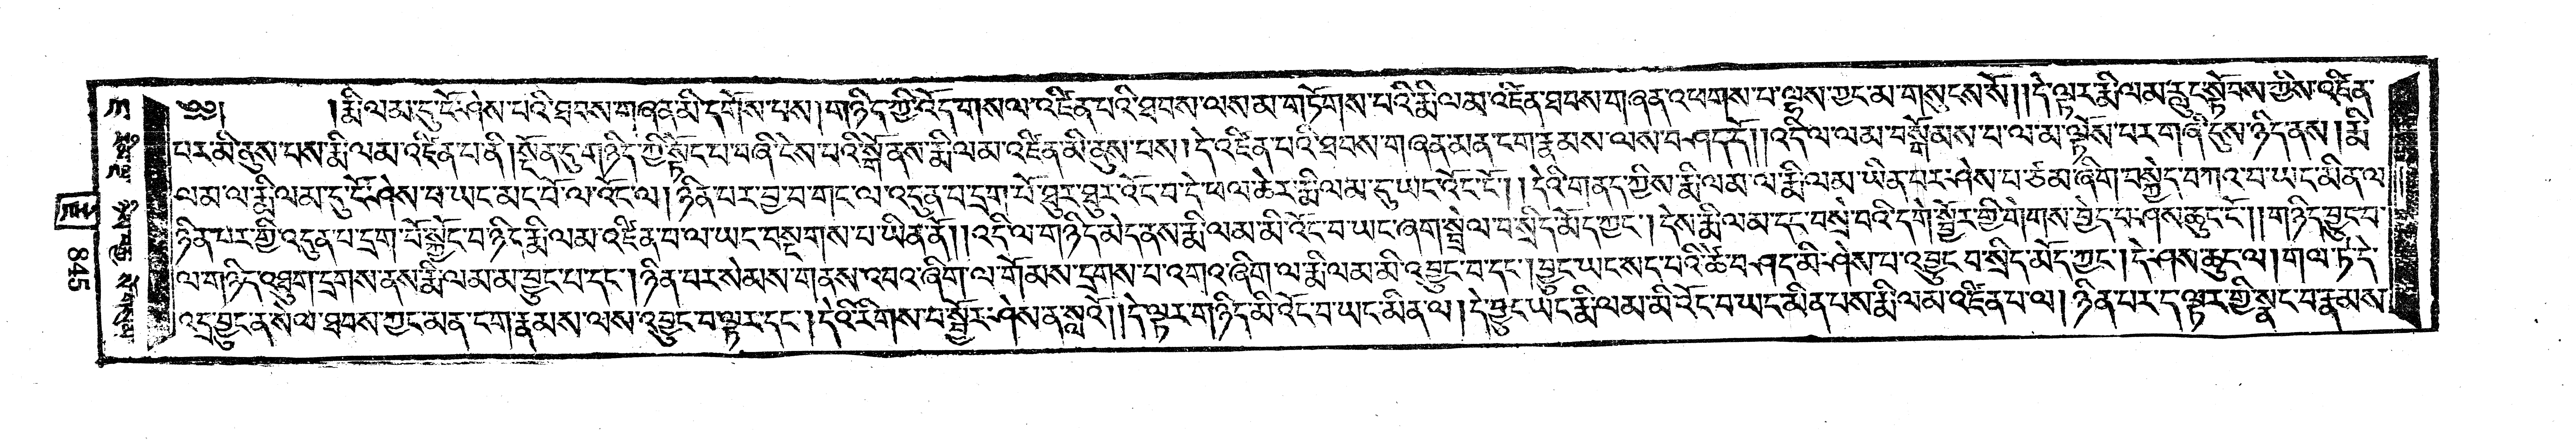༄༅། །རྨི་ལམ་དུ་ངོ་ཤེས་པའི་ཐབས་གཞན་མི་དགོས་པས། གཉིད་ཀྱི་འོད་གསལ་འཛིན་པའི་ཐབས་ལས་མ་གཏོགས་པའི་རྨི་ལམ་འཛིན་ཐབས་གཞན་འཕགས་པ་ལྷས་ཀྱང་མ་གསུངས་སོ། །དེ་ལྟར་རྨི་ལམ་རླུང་སྟོབས་ཀྱིས་འཛིན་
པར་མི་ནུས་པས་རྨི་ལམ་འཛིན་པ་ནི། སྔོན་དུ་གཉིད་ཀྱི་སྟོང་པ་བཞི་ངེས་པའི་སྒོ་ནས་རྨི་ལམ་འཛིན་མི་ནུས་པས། དེ་འཛིན་པའི་ཐབས་གཞན་མན་ངག་རྣམས་ལས་བཤད་དོ། །འདི་ལ་ལམ་བསྒོམས་པ་ལ་མ་ལྟོས་པར་གཞི་དུས་ཉིད་ནས། རྨི་
ལམ་ལ་རྨི་ལམ་དུ་ངོ་ཤེས་བ་ཡང་མང་པོ་ལ་འོང་ལ། ཉིན་པར་བྱ་བ་གང་ལ་འདུན་པ་དྲག་པོ་ཐུར་ཐུར་འོང་བ་དེ་ཕལ་ཆེར་རྨི་ལམ་དུ་ཡང་འོང་ངོ། །དེའི་གནད་ཀྱིས་རྨི་ལམ་ལ་རྨི་ལམ་ཡིན་པར་ཤེས་པ་ཙམ་ཞིག་བསྐྱེད་བཀའ་བ་ཡང་མིན་ལ།
ཉིན་པར་གྱི་འདུན་པ་དྲག་པོ་སྐྱོང་བ་ཉིད་རྨི་ལམ་འཛིན་པ་ལ་ཡང་བསྔགས་པ་ཡིན་ནོ། །འདི་ལ་གཉིད་མེད་ནས་རྨི་ལམ་མི་འོང་ང་ཡང་ཞག་སྦྲེལ་བ་སྲིད་མོད་ཀྱང་། དེས་རྨི་ལམ་དང་བསྲ་བའི་དགེ་སྦྱོར་གྱི་གགས་བྱེད་པ་ཤས་ཆུང་ངོ། །གཉིད་བྱུང་བ་
ལ་གཉིད་འཐུག་དྲགས་ནས་རྨི་ལམ་མ་བྱུང་བ་དང་། ཉིན་པར་སེམས་གནས་འབའ་ཞིག་ལ་གོམས་དྲགས་པ་འགའ་ཞིག་ལ་རྨི་ལམ་མི་འབྱུང་བ་དང་། བྱུང་ཡང་སད་པའི་ཚེ་བཤད་མི་ཤེས་པ་འབྱུང་བ་སྲིད་མོད་ཀྱང་། དེ་ཤས་ཆུང་ལ། གལ་ཏེ་དེ་
འདྲ་བྱུང་ན་སེལ་ཐབས་ཀྱང་མན་ངག་རྣམས་ལས་འབྱུང་བ་ལྟར་དང་། དེའི་རིགས་པ་སྦྱོར་ཤེས་ན་སླའོ། །དེ་ལྟར་གཉིད་མི་འོང་བ་ཡང་མིན་ལ། དེ་བྱུང་ཡང་རྨི་ལམ་མི་འོང་བ་ཡང་མིན་པས་རྨི་ལམ་འཛིན་པ་ལ། ཉིན་པར་ད་ལྟར་གྱི་སྣང་བ་རྣམས་